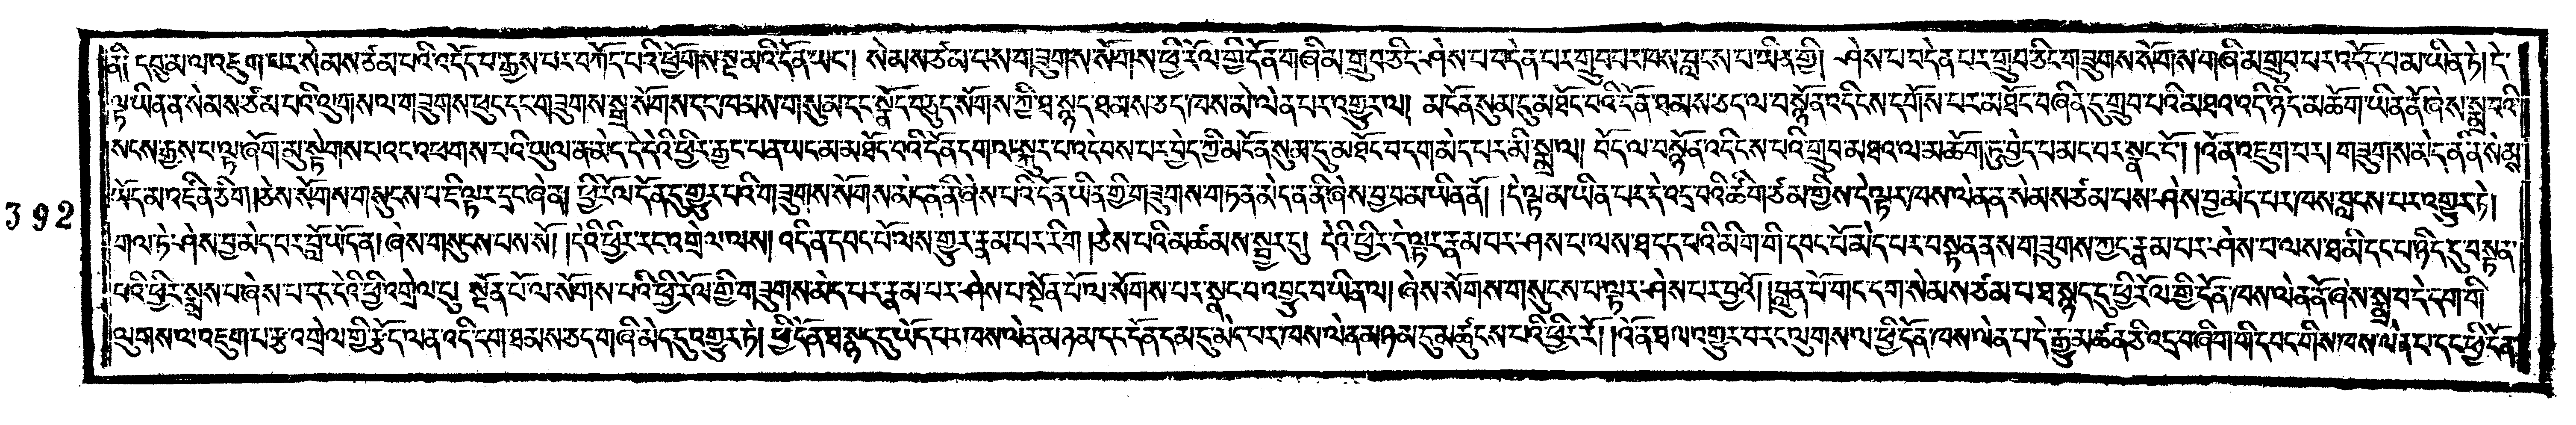ནི༑ དབུ་མ་ལ་འཇུག་པར་སེམས་ཙམ་པའི་འདོད་བ་རྒྱས་པར་བཀོད་པའི་ཕྱོགས་སྔ་མའི་དོན་ཡང་། སེམས་ཙམ་བས་གཟུགས་སོགས་ཕྱི་རོལ་གྱི་དོན་གཞི་མ་གྲུབ་ཅིང་ཤེས་པ་བདེན་པར་གྲུབ་བར་ཁས་བླངས་པ་ཡིན་གྱི། ཤེས་པ་བདེན་པར་གྲུབ་ཅིང་གཟུགས་སོགས་གཞི་མ་གྲུབ་པར་འདོད་བ་མ་ཡིན་ཏེ། དེ་
ལྟ་ཡིན་ན་སེམས་ཅིམ་?་པའི་ལུགས་ལ་གཟུགས་ཕུང་དང་གཟུགས་སྒྲ་སོགས་དང་ཁམས་གསུམ་དང་སྣོད་བཅུད་སོགས་ཀྱི་ཐ་སྙད་ཐམས་ཅད་ཁས་མ་ལེན་པར་འགྱུར་ལ། མངོན་སུམ་དུ་མཐོང་བའི་དོན་ཐམས་ཅད་ལ་བསྙོན་འདིངས་དགོས་པར་མཐོང་བཞིན་དུ་གྲུབ་པའི་མཐའ་འདི་ཉིད་མཆོག་ཡིན་ནོ་ཞེས་སྨྲ་བའི་
སངས་རྒྱས་པ་ལྟ་ཞོག་མུ་སྟེགས་པའང་འཕགས་པའི་ཡུལ་ན་མེད་དེ་དེའི་ཕྱིར་རྒྱང་པ་ན་ཡང་མ་མཐོང་བའི་དོན་དག་ལ་སྐུར་པ་འདེབས་པར་བྱེད་ཀྱི་མངོན་སུམ་དུ་མཐོང་བ་དག་མེད་པར་མི་སྨྲ་ལ། བོད་ལ་བསྙོལ་འདིངས་པའི་གྲུབ་མཐའ་ལ་མཆོག་ཏུ་བྱེད་པ་མང་བར་སྣང་ངོ། །འོན་འཇུག་བར། གཟུགས་མེད་ནི་ན་སེམས་
ཡོད་མ་འཛིན་ཅིག །ཅེས་སོགས་གསུངས་པ་ཇི་ལྟར་དྲང་ཞེ་ན། ཕྱི་རོལ་དོན་དུ་གྱུར་བའི་གཟུགས་སོགས་མེད་ན་ནི་ཞེས་པའི་དོན་ཡིན་གྱི་གཟུགས་གཏན་མེད་ན་ནི་ཞེས་བྱ་བ་མ་ཡིན་ནོ། །དེ་ལྟ་མ་ཡིན་པར་དེ་འདྲ་བའི་ཚིག་ཙམ་གྱིས་དེ་ལྟར་ཁས་ལེན་ན་སེམས་ཙམ་པས་ཤེས་བྱ་མེད་པར་ཁས་བླངས་པར་འགྱུར་ཏེ།
གལ་ཏེ་ཤེས་བྱ་མེད་པར་བློ་ཡོད་ན། ཞེས་གསུངས་པས་སོ། །དེའི་ཕྱིར་རང་འགྲེལ་ལས། འདི་ན་དབང་པོ་ལས་གྱུར་རྣམ་པར་རིག །ཅེས་པའི་མཚམས་སྦྱར་དུ། དེའི་ཕྱིར་དེ་ལྟར་རྣམ་བར་ཤས་པ་ལས་ཐ་དད་པའི་མིག་གི་དབང་པོ་མེད་པར་བསྟན་ནས་གཟུགས་ཀྱང་རྣམ་པར་ཤེས་པ་ལས་ཐ་མི་དང་པ་ཉིད་དུ་བསྟན་
པའི་ཕྱིར་སྨྲས་པ་ཞེས་པ་དང་དེའི་ཕྱི་འགྲེལ་དུ། སྔོན་པོ་ལ་སོགས་པའི་ཕྱི་རོལ་གྱི་གཟུགས་མེད་པར་རྣམ་པར་ཤེས་པ་སྔོན་པོ་ལ་སོགས་པར་སྣང་བ་འབྱུང་བ་ཡིན་ལ། ཞེས་སོགས་གསུངས་པ་ལྟར་ཤེས་པར་བྱའོ། །བླུན་པོ་གང་དག་སེམས་ཙམ་པ་ཐ་སྙད་དུ་ཕྱི་རོལ་གྱི་དོན་ཁས་ལེན་ནོ་ཞེས་སྨྲ་བ་དེ་དག་གི་
ལུགས་ལ་འཇུག་པ་རྩ་འགྲེལ་གྱི་རྩོད་ལན་འདི་དག་ཐམས་ཅད་གཞི་མེད་དུ་འགྱུར་ཏེ། ཕྱི་དོན་ཐ་སྙད་དུ་ཡོད་པར་ཁས་ལེན་མཉམ་དང་དོན་དམ་དུ་མེད་པར་ཁས་ལེན་མཉམ་དུ་མཚུངས་པའི་ཕྱིར་རོ། །འོ་ན་ཐལ་འགྱུར་བ་རང་ལུགས་ལ་ཕྱི་དོན་ཁས་ལེན་པ་དེ་རྒྱུ་ནྨྪན་ཅི་འདྲ་བ་ཞིག་གི་དབང་གིས་ཁས་ལེན་བ་དང་ཕྱི་དོན་